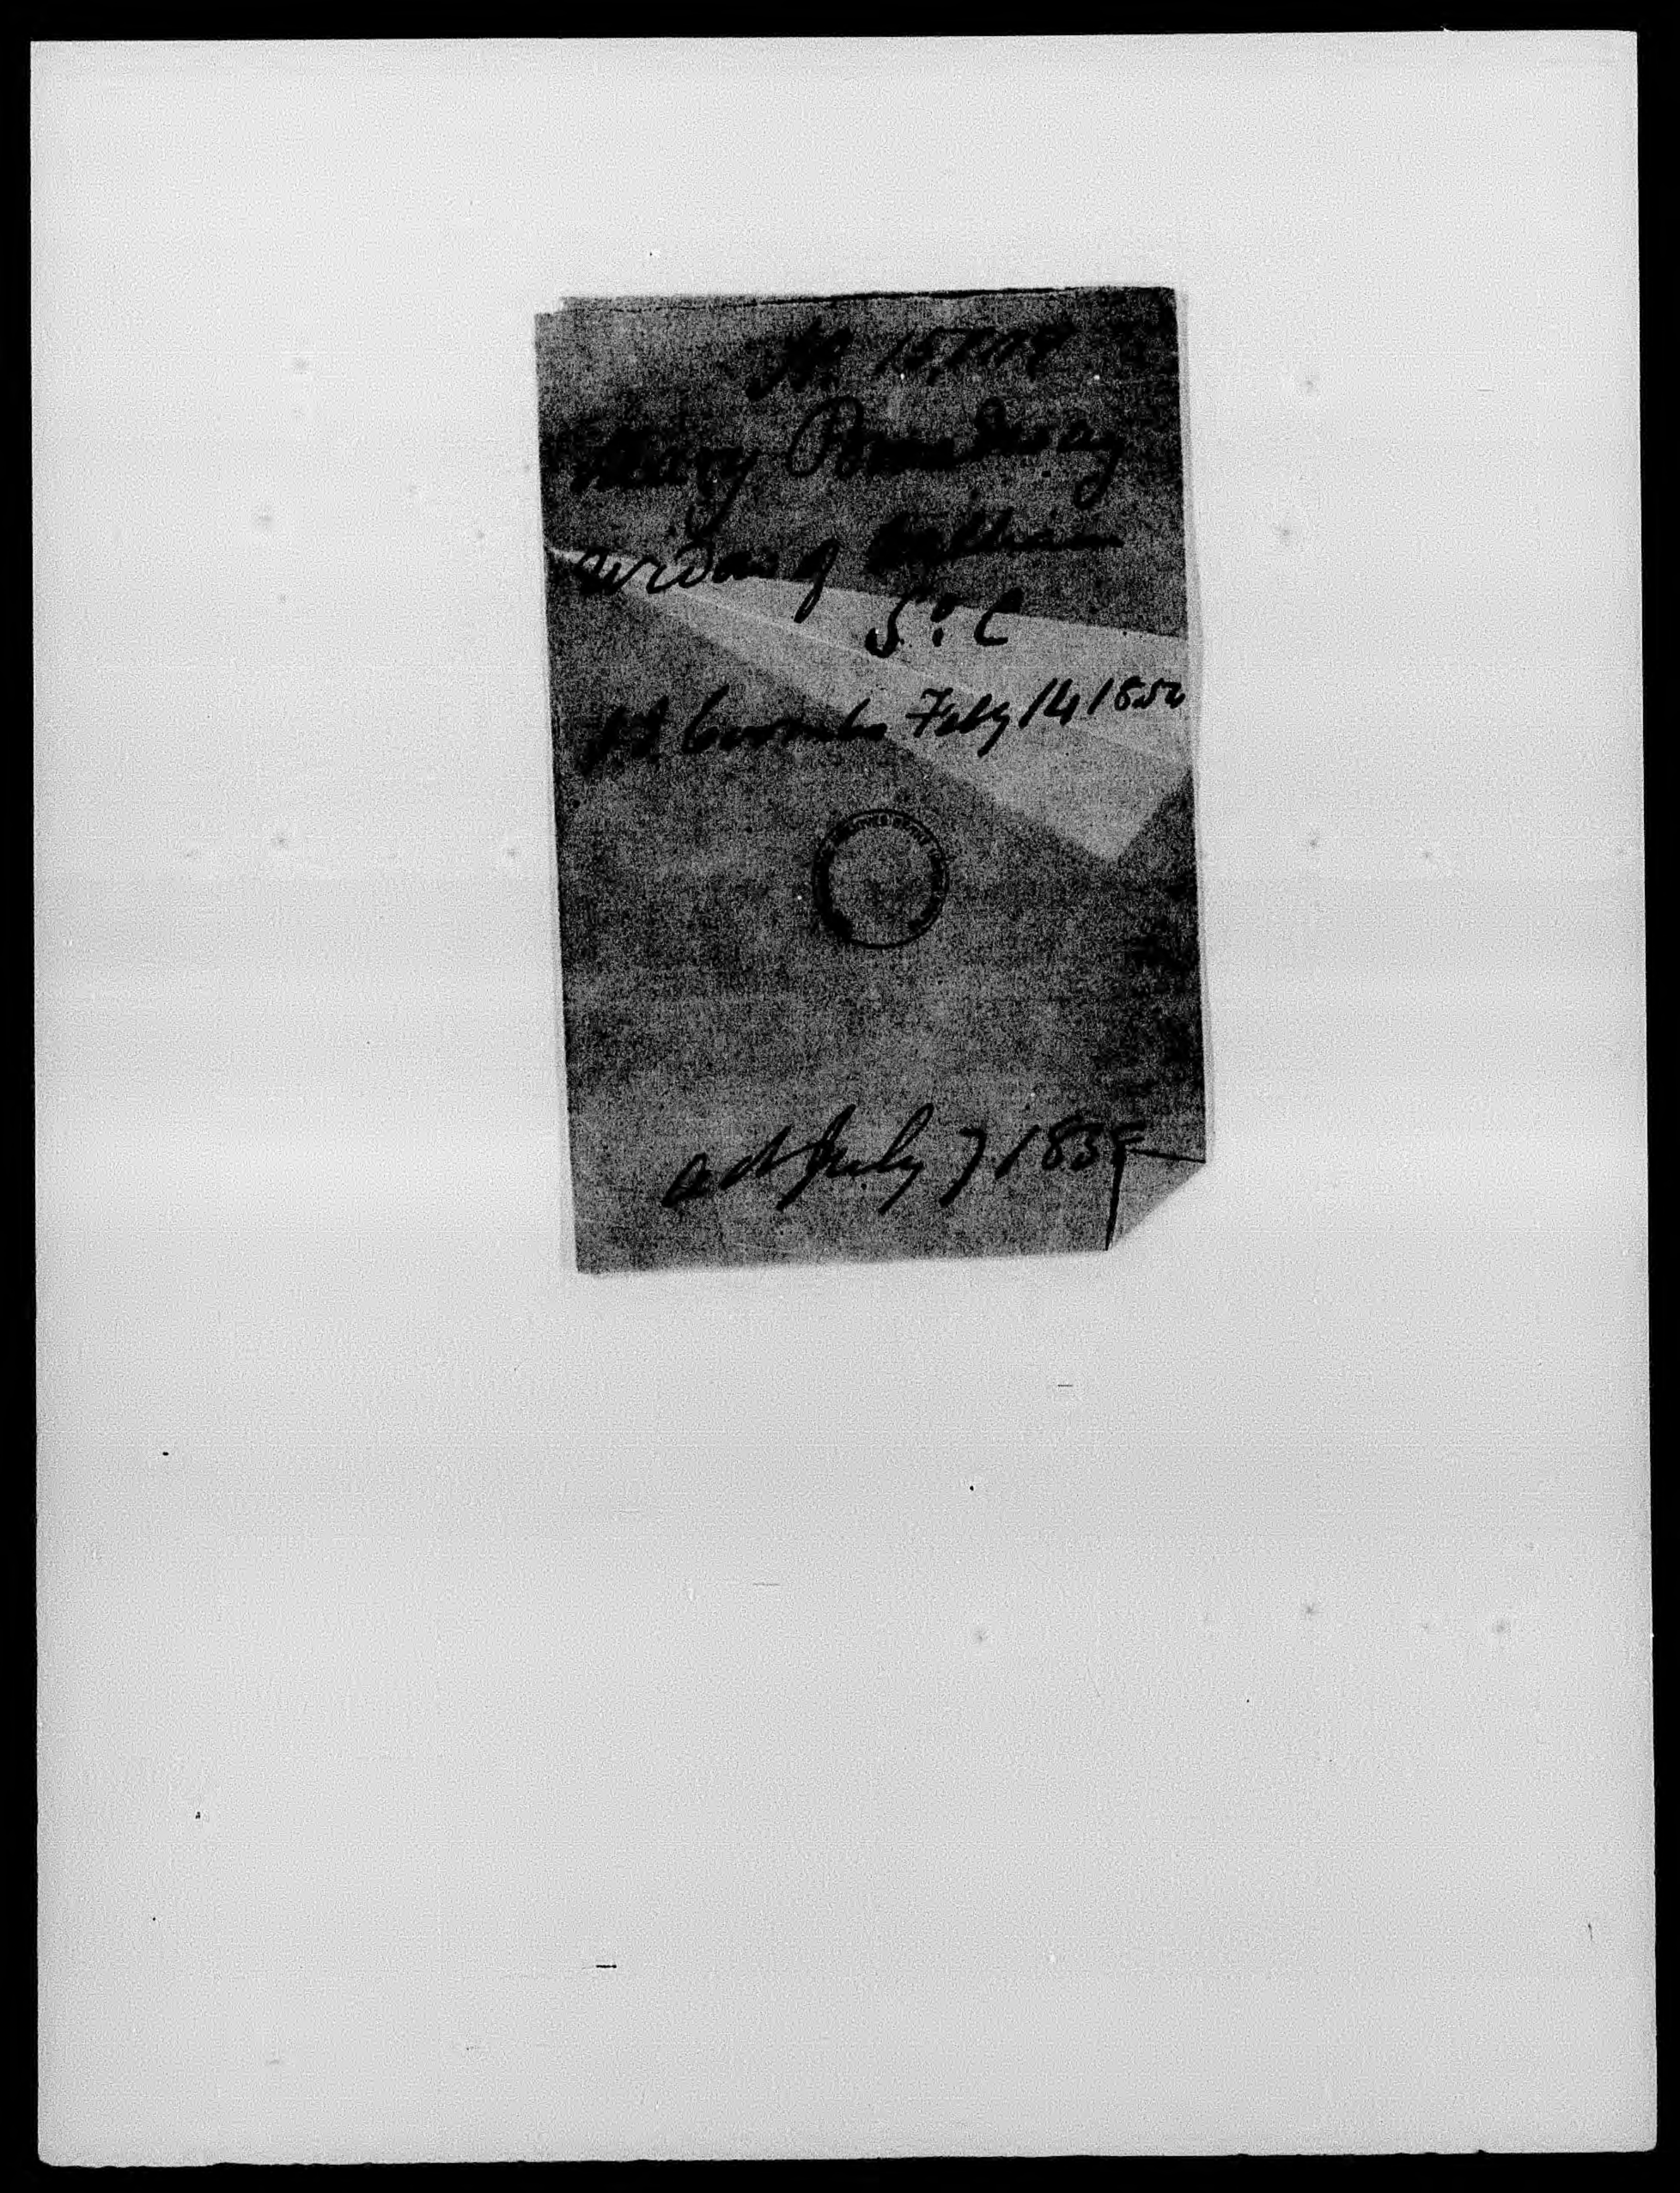[most of text is illegible... document very dark]

SC

Feby 14 1854

[stamp]
THE NATIONAL ARCHIVES OF THE UNITED STATES
ACT JULY 7 183(?)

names: None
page: 77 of 98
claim: widow's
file: W. 8398, William Broadway, S.C.